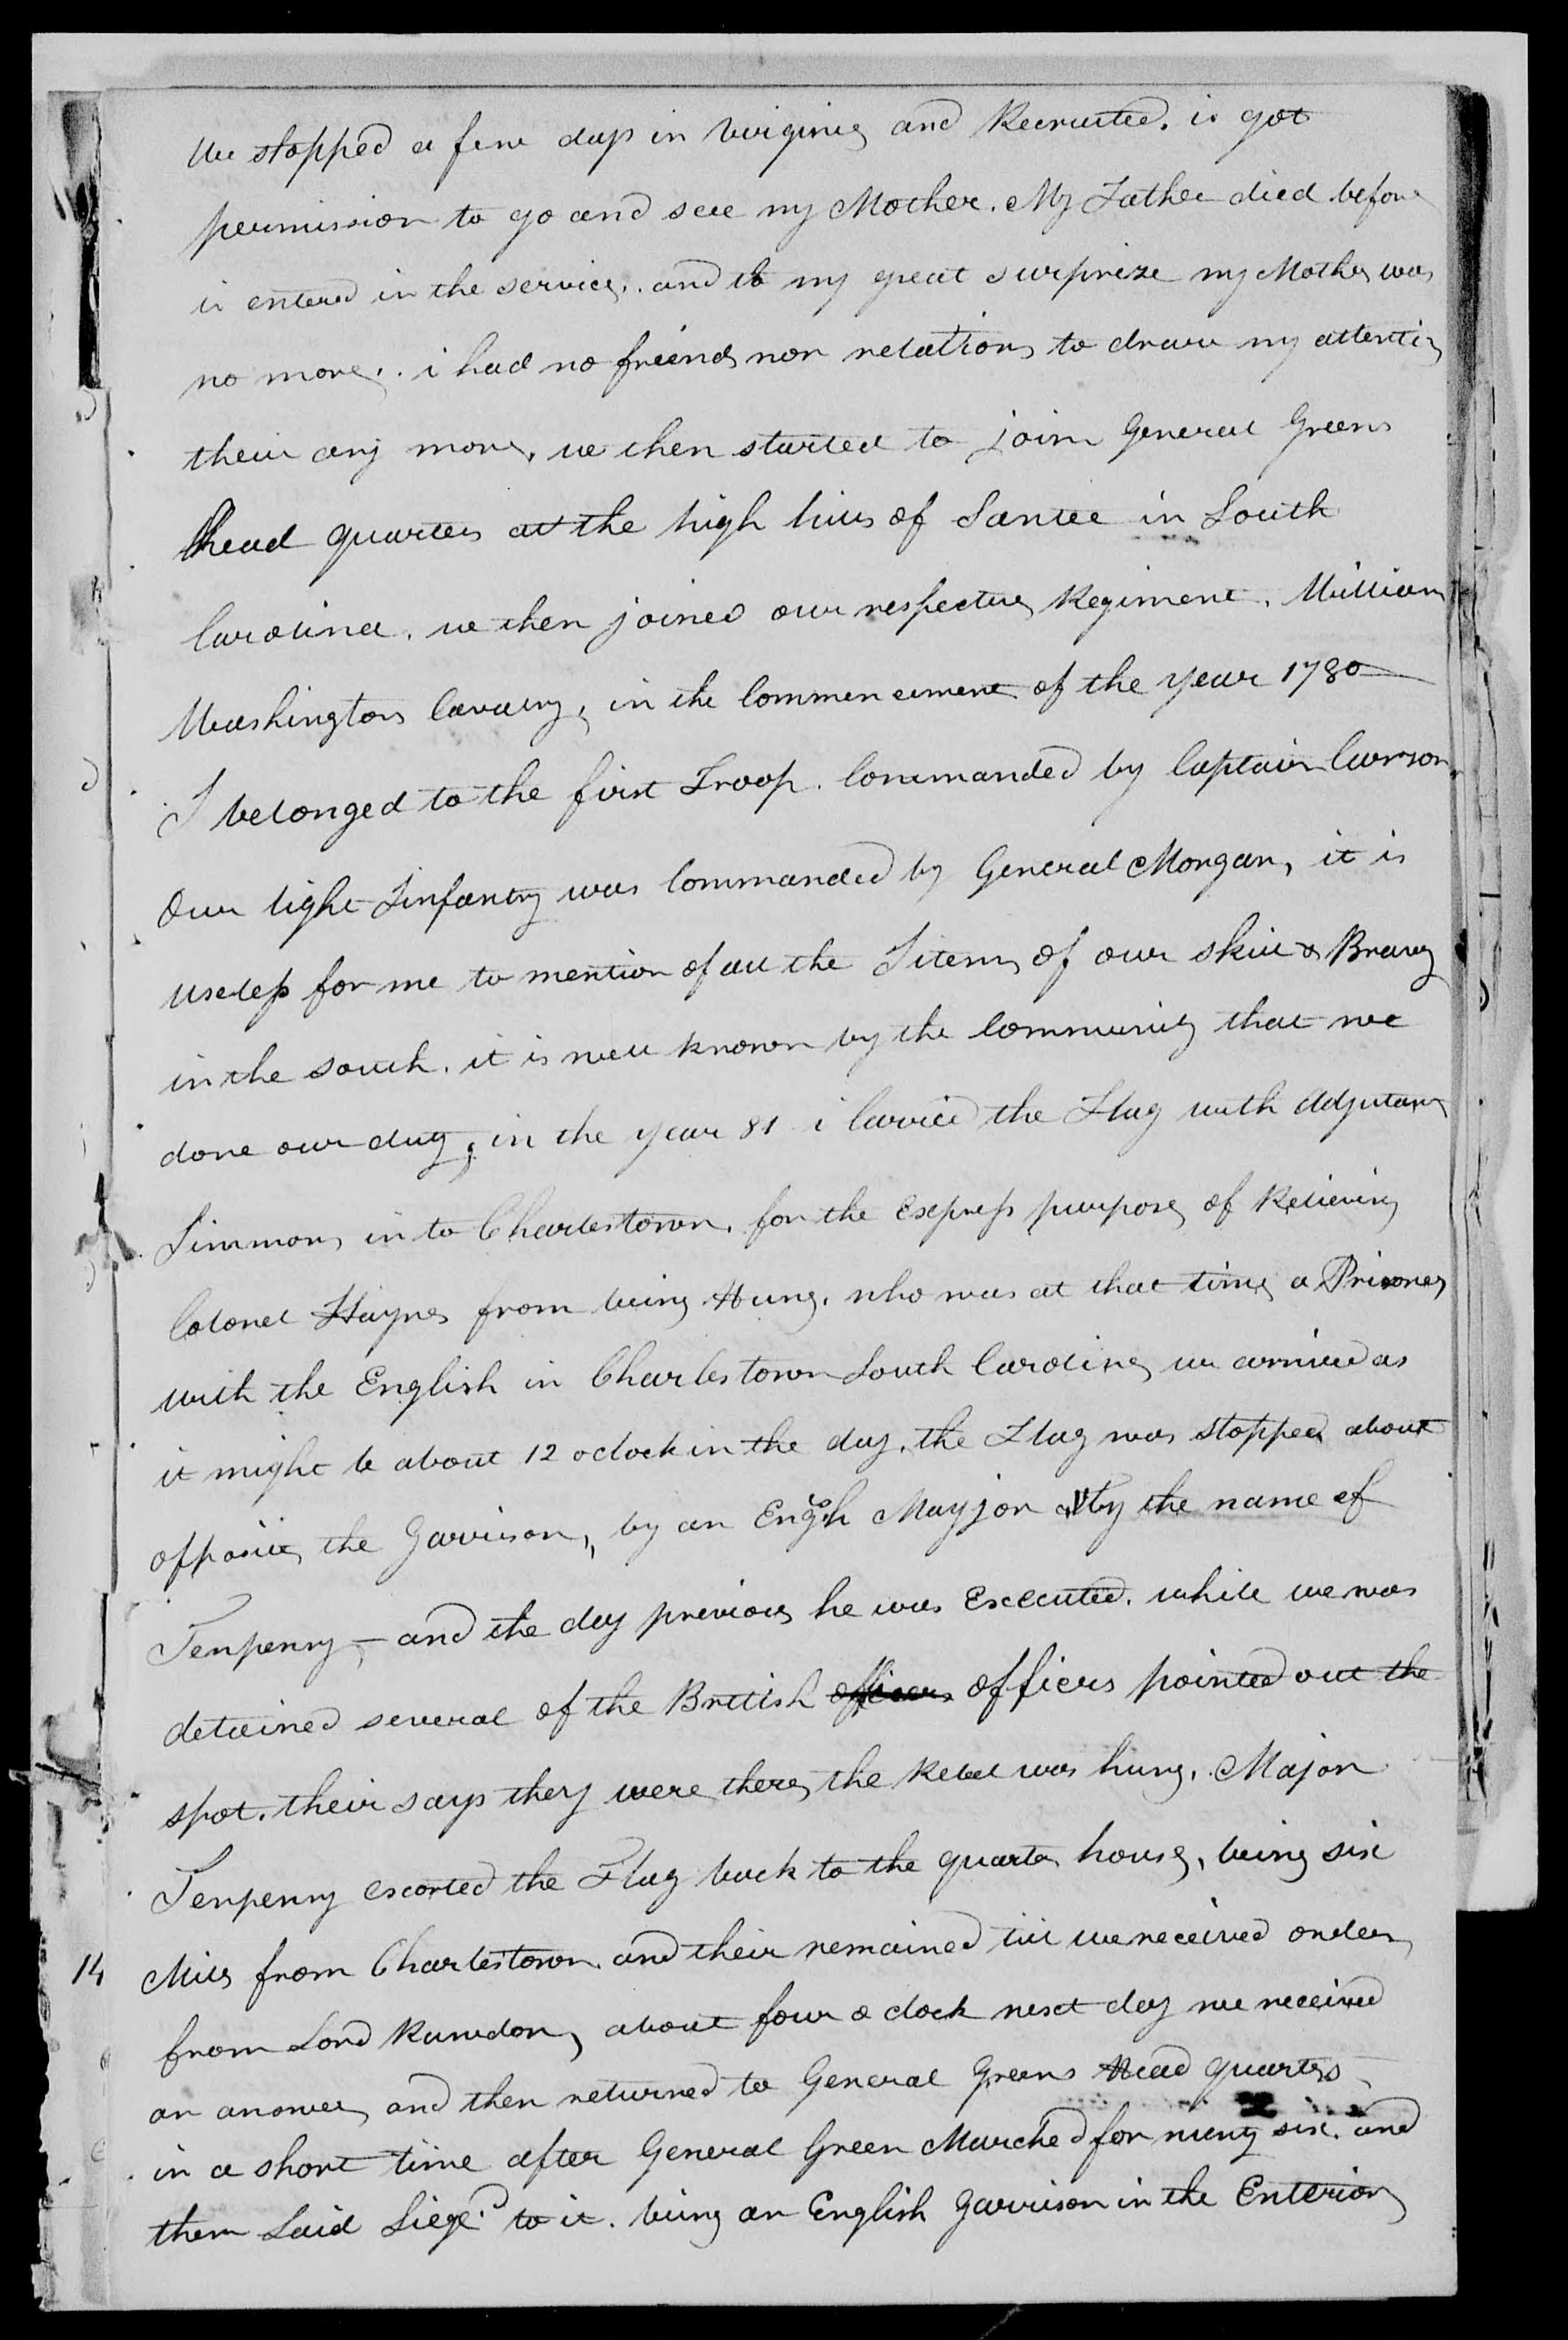We stopped a few days in Virginia and recruited. I got permission to go and see my mother. My father died before I entered in the service and to my great surprise my mother was no more. I had no friends nor relatives to draw any money. We then started to join General Greene’s headquarters at the [Illegible] in South Carolina. We then joined our respective Regiment, William Washington’s Cavalry, in the [year] 1780. I belonged to the first troop commanded by Captain Curson, [whose] light infantry was commanded by General Morgan, it is useless for me to mention [Illegible] in the South, it is now known by the community that we done our duty.
In the year 1781, I lowered the flag with Adjutant Simmons, into Charlestown, for the express purpose of relieving Colonel Haynes from being hung, who was at the time a prisoner with the English in Charlestown, South Carolina. We arrived as it might be about 12 o’clock in the day. The flag was stopped about opposite the garrison, by an [British Major] by the name Tenpenny, and the day previous he was executed. While we were detained, several of the British officers pointed out the spot their says they were there, the rebel was living. Major Tenpenny escorted the flag back to the quarter house, being six miles from Charlestown, and then remained there until we received orders from Lord Randon, about four o’clock the next day. We received [Illegible] and then returned to General Greene’s headquarters in a short time after General Greene marched for [the Siege of Ninety Six], being an English garrison in the [Illegible]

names: Greens, Haynes, Curson, Morgan, Greens, Simmons, Green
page: 40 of 51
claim: widow's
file: W 8939, George Hood, Continental Va.